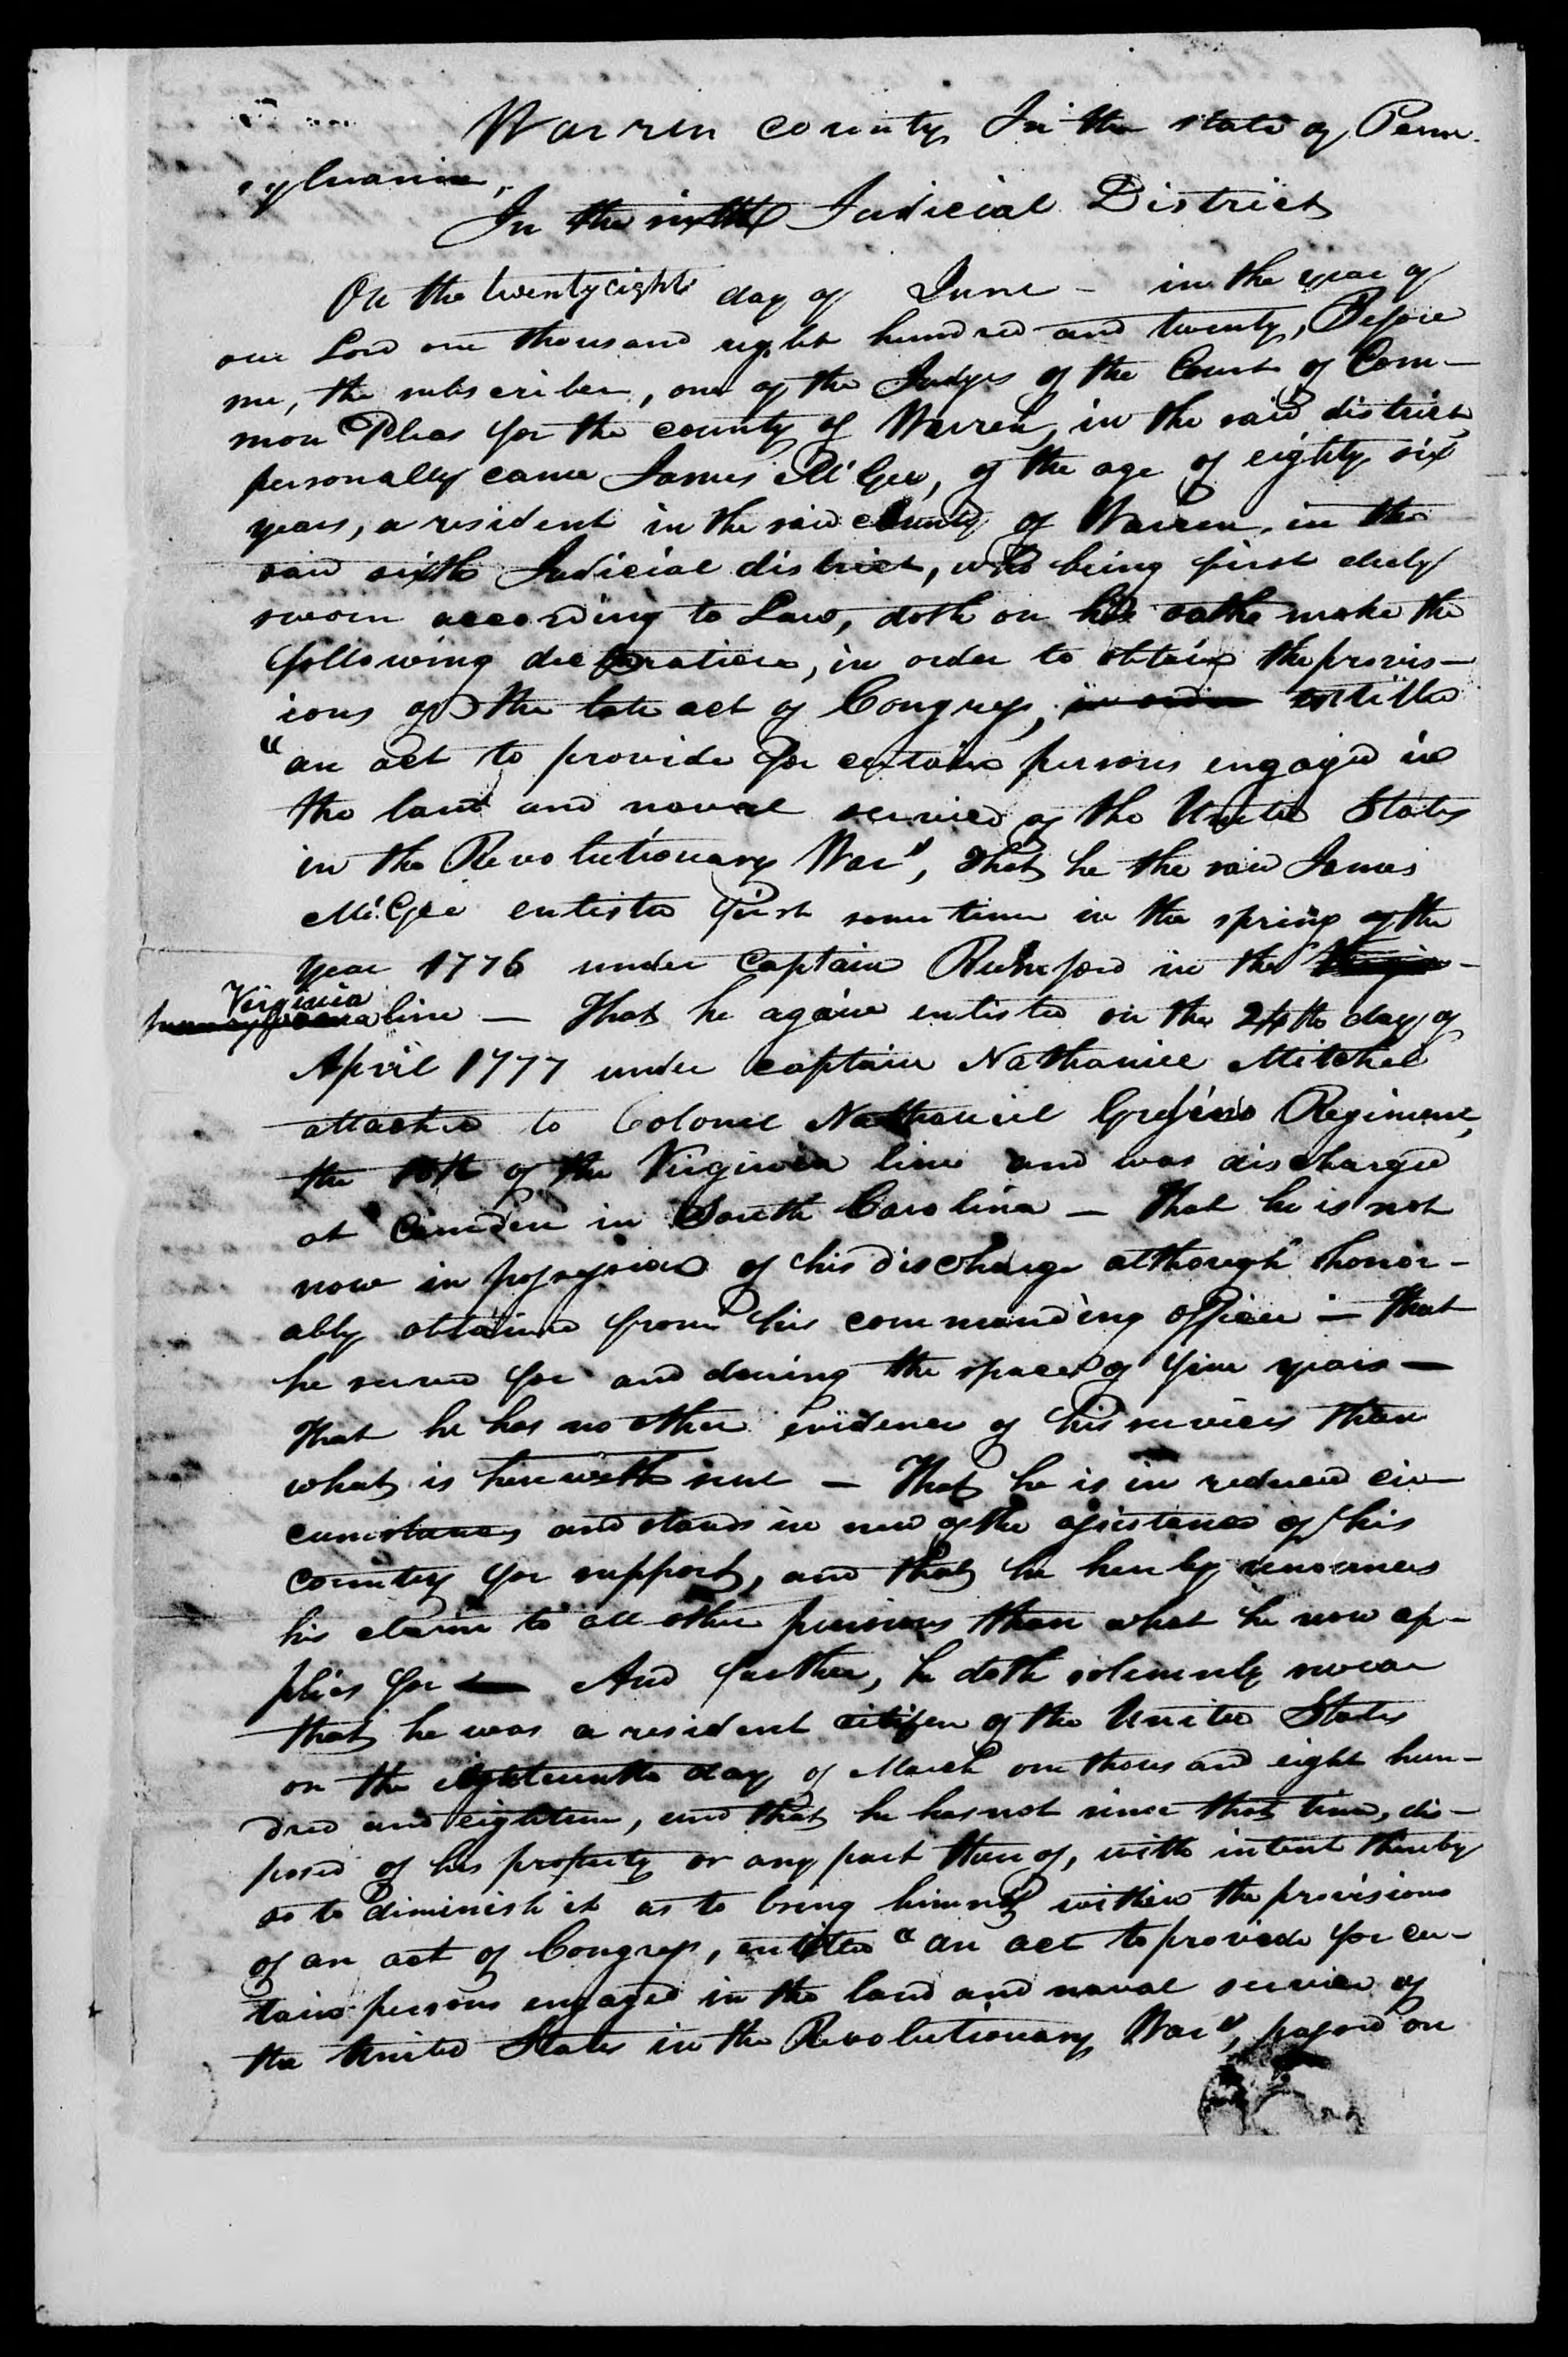Warren County in the State of Pennsylvania
-
In the sixth Judicial District

On the twenty eight day of June in the year of
our Lord one thousand eight hundred and twenty, Before me the subscriber, one of the Judges of the Court of Common Pleas for the County of Warren in the said district
personally came James McGee, of the age of eighty six years, a resident in the said County of Warren in the said sixth Judicial district, who being first duly sworn according to Law, doth on his oath make the following declaration, in order to obtain the provisions of the late act of Congress entitled "an act to provide for certain persons engaged in the land and naval service of the United States in the Revolutionary War", that the the said James McGee enlisted first some time in the spring of the year 1776 under Captain Rumford in the Virginia line - That he again enlisted on the 24th day of April 1777 under Captain Nathaniel Mitchel attached to Colonel Nathaniel Greens Regiment
the (illegible)  of the Virginia line and was discharged in Camadon  in South Carolina
that he is not now in possession of his discharge although honorably obtained from his commanding officer- That he served for and during the space of five years -- that he has no other evidence of his services than what is herewith said. -- That he is in reduced
circumstances and stands in need of the assistance of his County for support, and that he hereby renounces his claim to all other pensions  than what he now applies  for  And further, he solemnly swears that he was a resident citizen of the United States
on the eighteenth day of March one thousand eight hundred and eighteen, and that he has not since that time,  disposed of his property or any part thereof with intent thereby so to diminish it as to bring him within the provisions
of an act of Congress entitled or act to provide for certain persons engaged in the land and naval service of the United State in the Revolutionary War , papers on

(continued)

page: 58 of 77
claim: widow's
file: W 2954, for James Mc Gee, Delaware